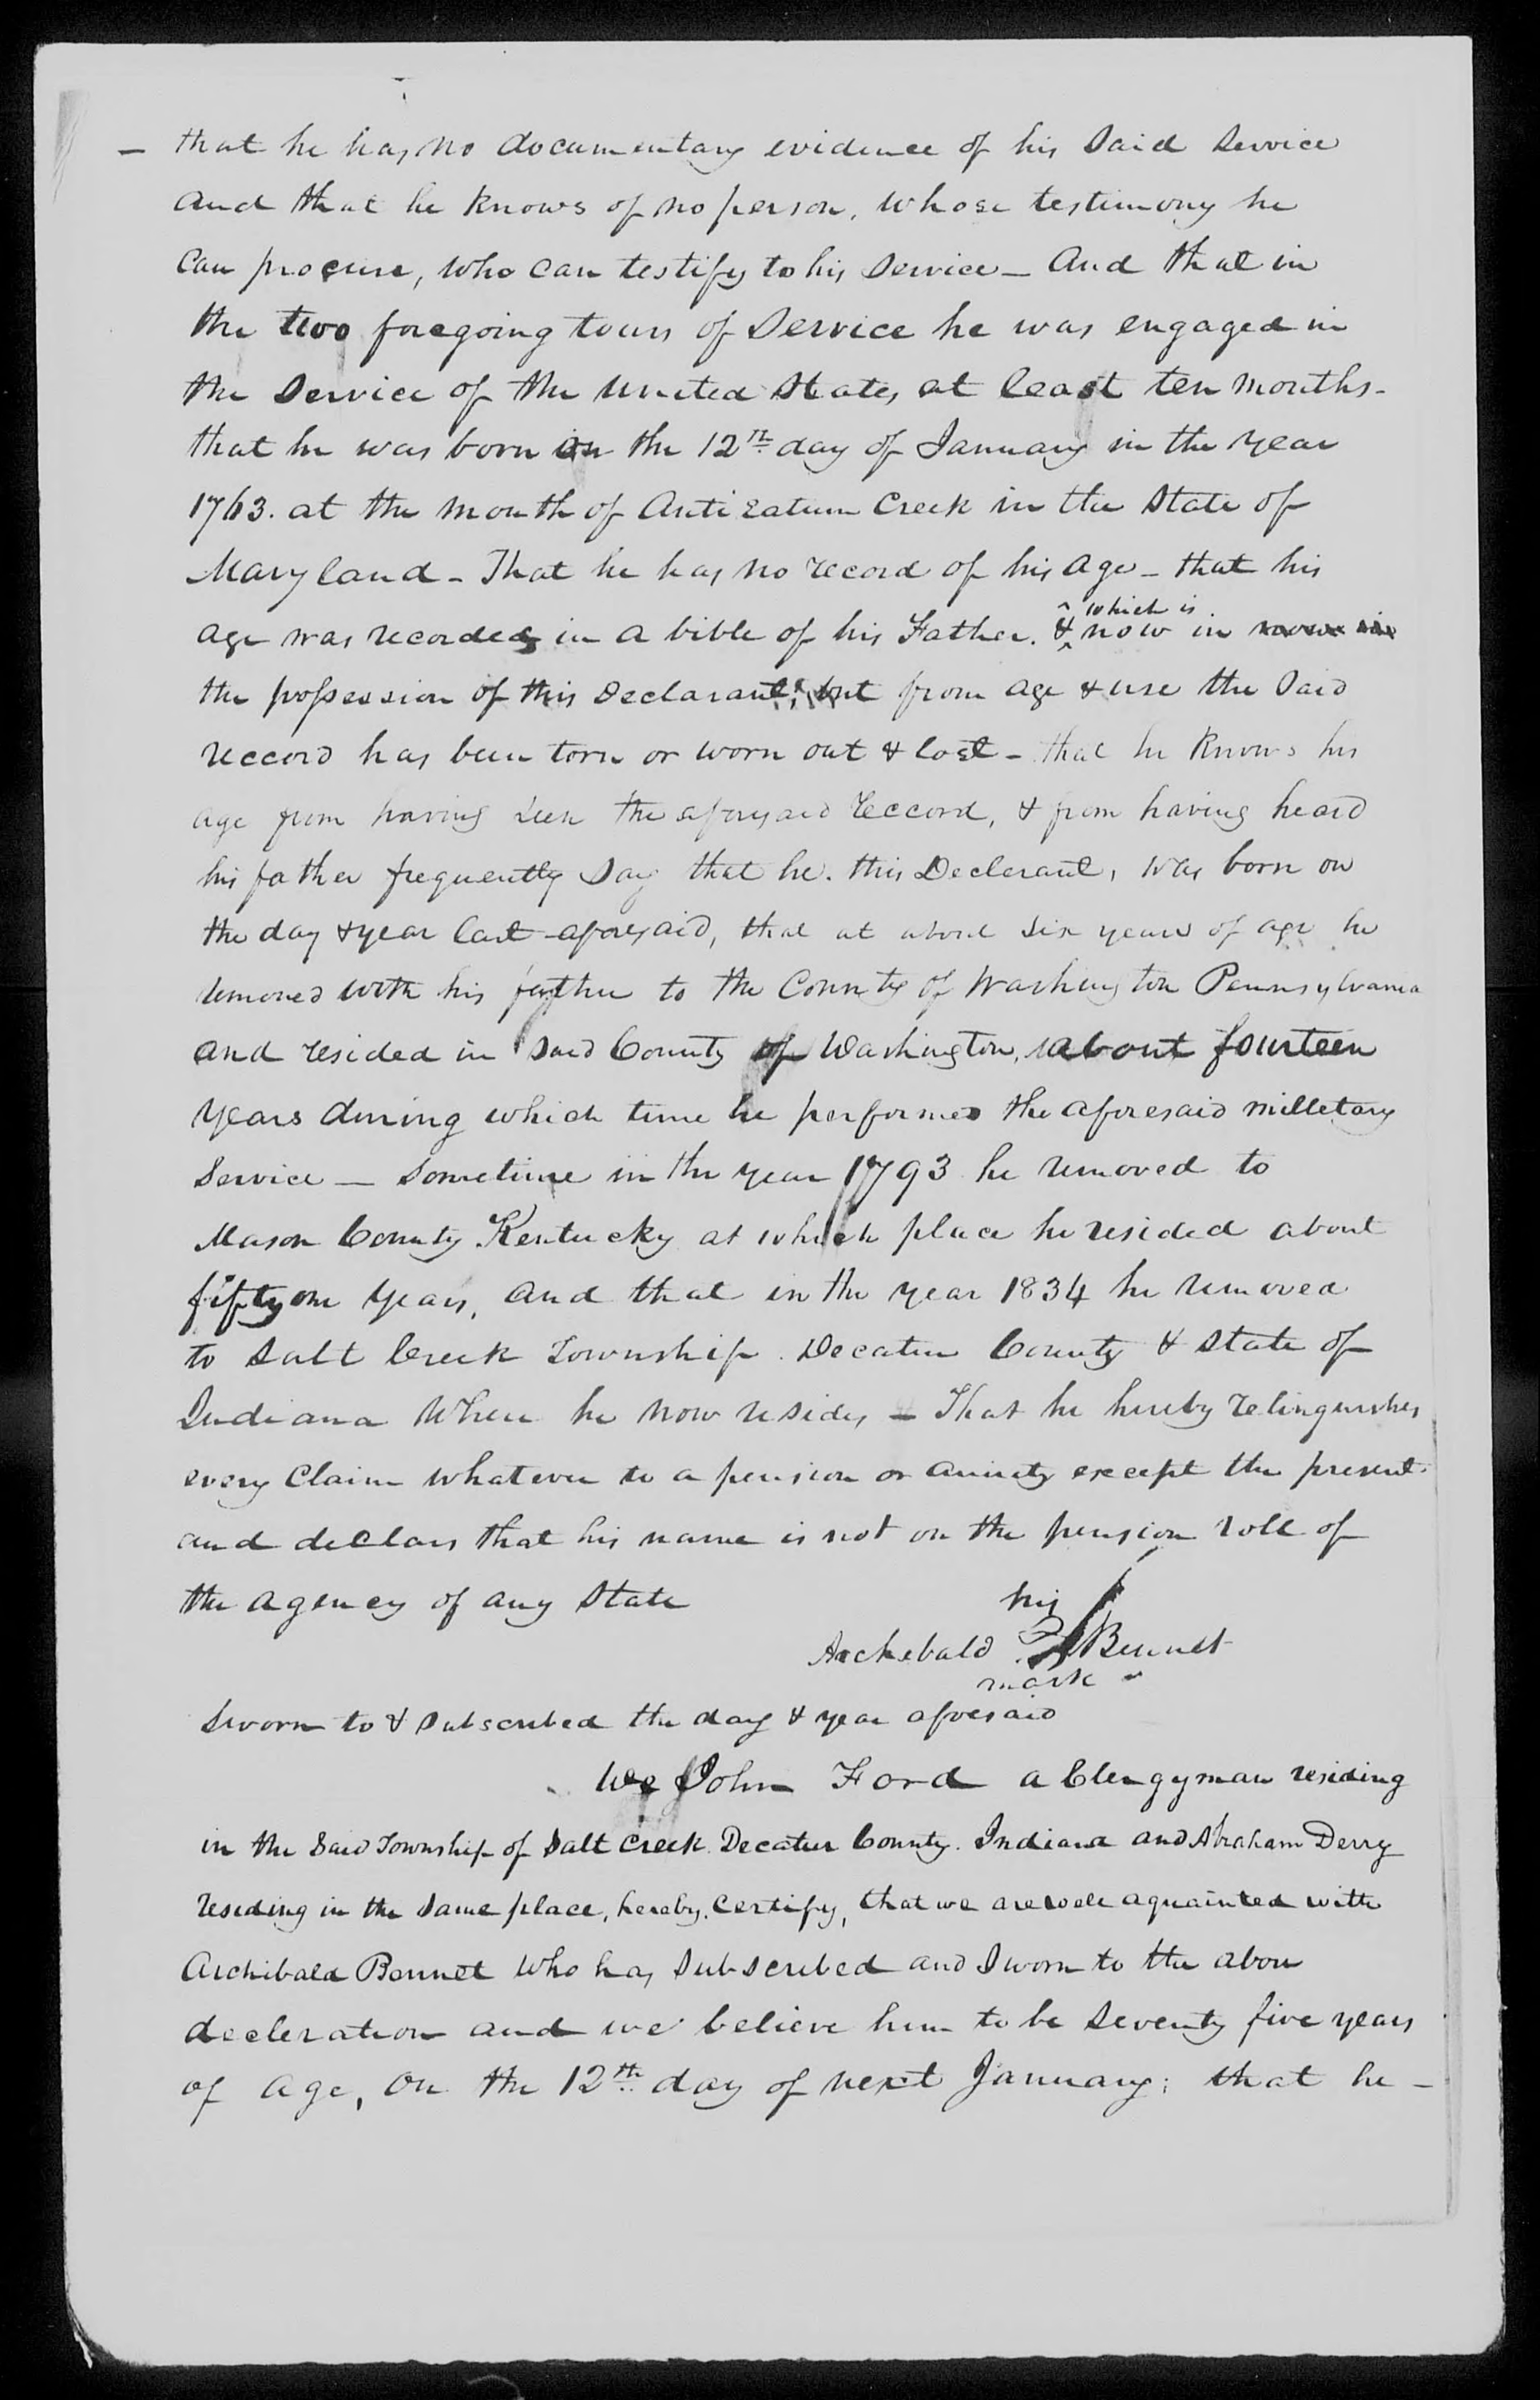That he has no documentary evidence of his said service and that he knows of no person whose testimony he can procure who can testify to his service.  And that in the two foregoing tours of service he was engaged in the service of the United States at least ten months.

That he was born on the 12th day of January in the year 1763 at the mouth of Antietam Creek in the state of Maryland; that he has no record of his age; that his age was recorded in a Bible of his father which is now in the possession of this declarant but from age and use the said record has been torn or work out and lost; that he knows his age from having seen the aforesaid record and from having heard his father frequently say that he, this declarant, was born on the day and year aforesaid.

That at about six years of age he removed with his father to the county of Washington, Pennsylvania and resided in said county of Washington about fourteen years during which time he performed the aforesaid military service.  Sometime in the year 1793 he removed to Mason County, Kentucky at which place he resided about fifty-one years.  And that in the year 1834 he removed to Salt Creek Township, Decatur County, state of Indiana where he now resides. 

That he hereby relinquishes every claim whatever to a pension or annuity except the present and declares that his name is not on the pension roll of the agency of any state.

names: Archibald Bennett, John Ford, Abraham Derry, Archibald Bennet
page: 4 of 9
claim: rejected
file: R 749, Archibald Bennet, Penn.